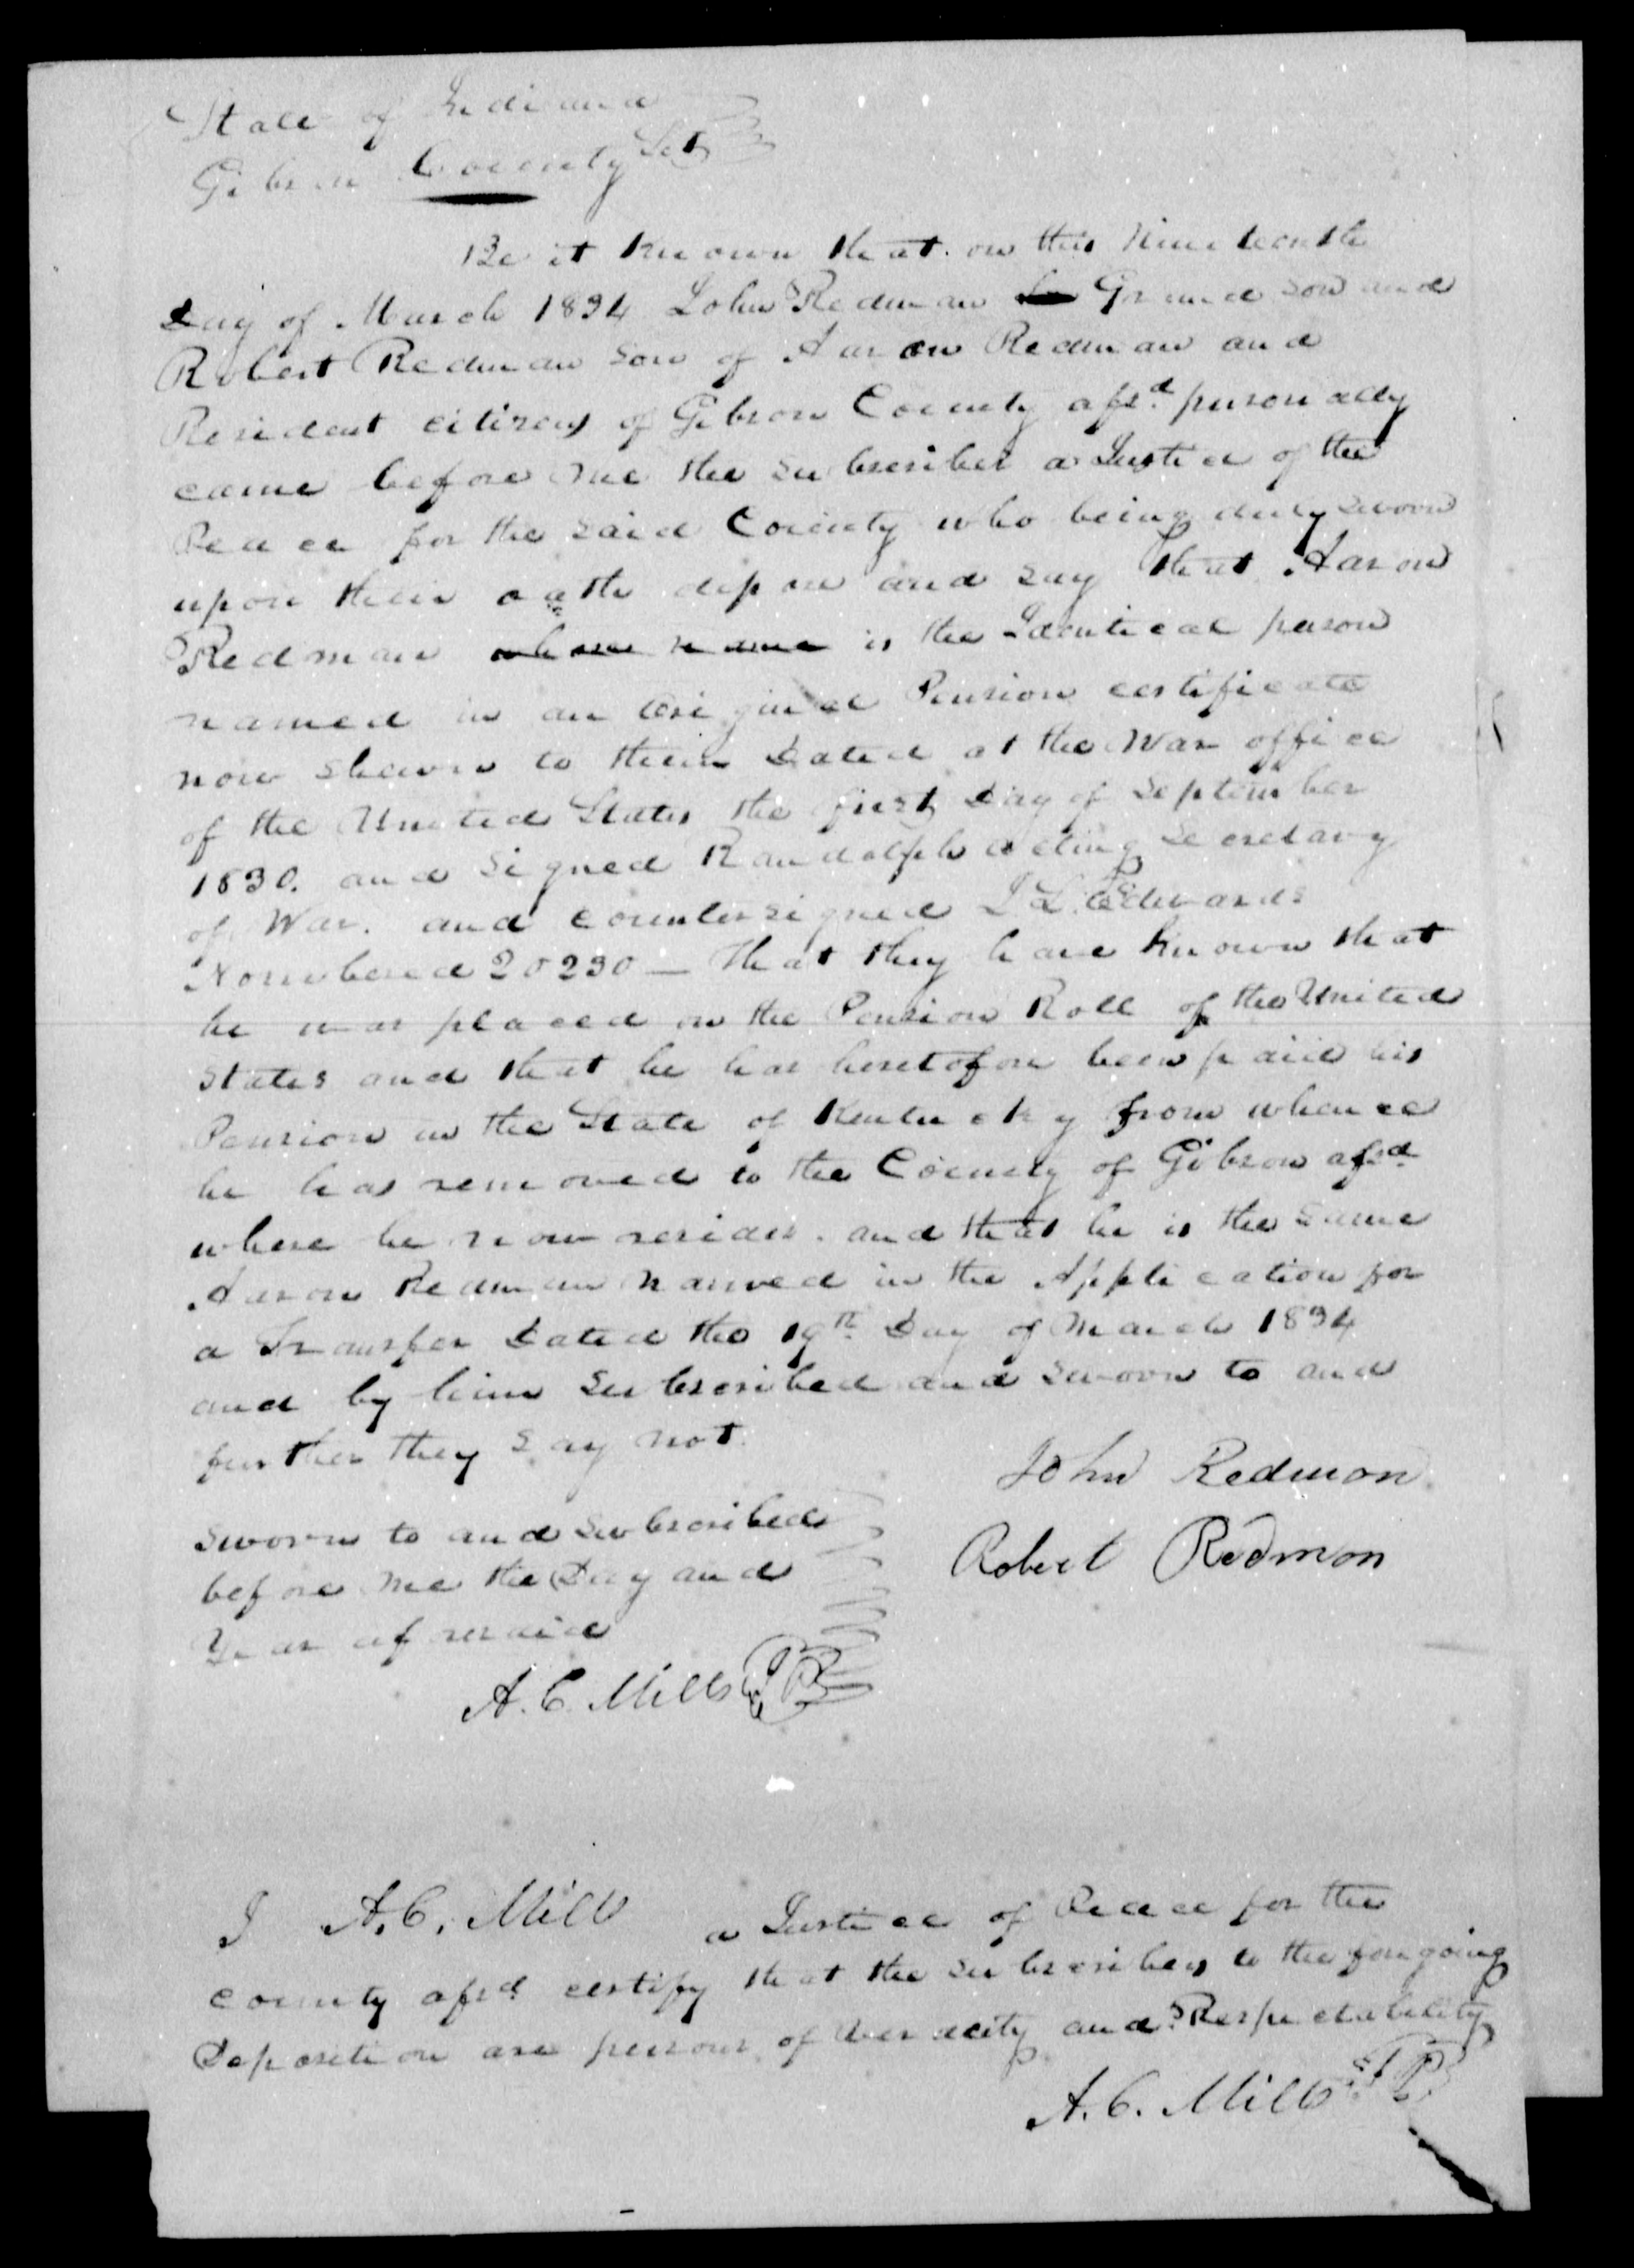State of Indiana
Gibson County Sct
Be it known that on this nineteenth day of March 1834 John Redman grandson and Robert Redman son of Aaron Redman and resident citizens of Gibson County afsd. personally came before me the subscriber a Justice of the Peace for the said County who being duly sworn upon their oath depose and say that Aaron Redman is the identical person named in an original pension certificate now shewn to them dated at the War office of the United States the first day of September 1830 and signed Randolph acting Secretary of War. and countersigned J.L. Edwards Numbered 20230 - That they have known that he was placed on the Pension Roll of the United States and that he has heretofore been paid his Pension in the State of Kentucky from whence he has removed to the County of Gibson afsd. where he now resides and that he is the same Aaron Redman named in the Application for a transfer dated the 19th day of March 1834 and by him subscribed and sworn to and further they say not.
John Redman
Robert Redman
Sworn to and subscribed before me the day and year aforesaid
A.C. Mills J.P.

I A.C. Mills a Justice of the Peace for the county afsd. certify that the subscribers to the foregoing deposition are persons of veracity and respectability
A.C. Mills J.P.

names: Reobert Redmon; John Redmon; A C Mills; Randolph Reling; John Redman; A C Mills; Aaron Redman; Robert Redman; Aaron Redman; Aaron Redman; J L Edwards; A C Mills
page: 33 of 57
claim: widow's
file: W. 9,622, for Aaron Redman, Virginia